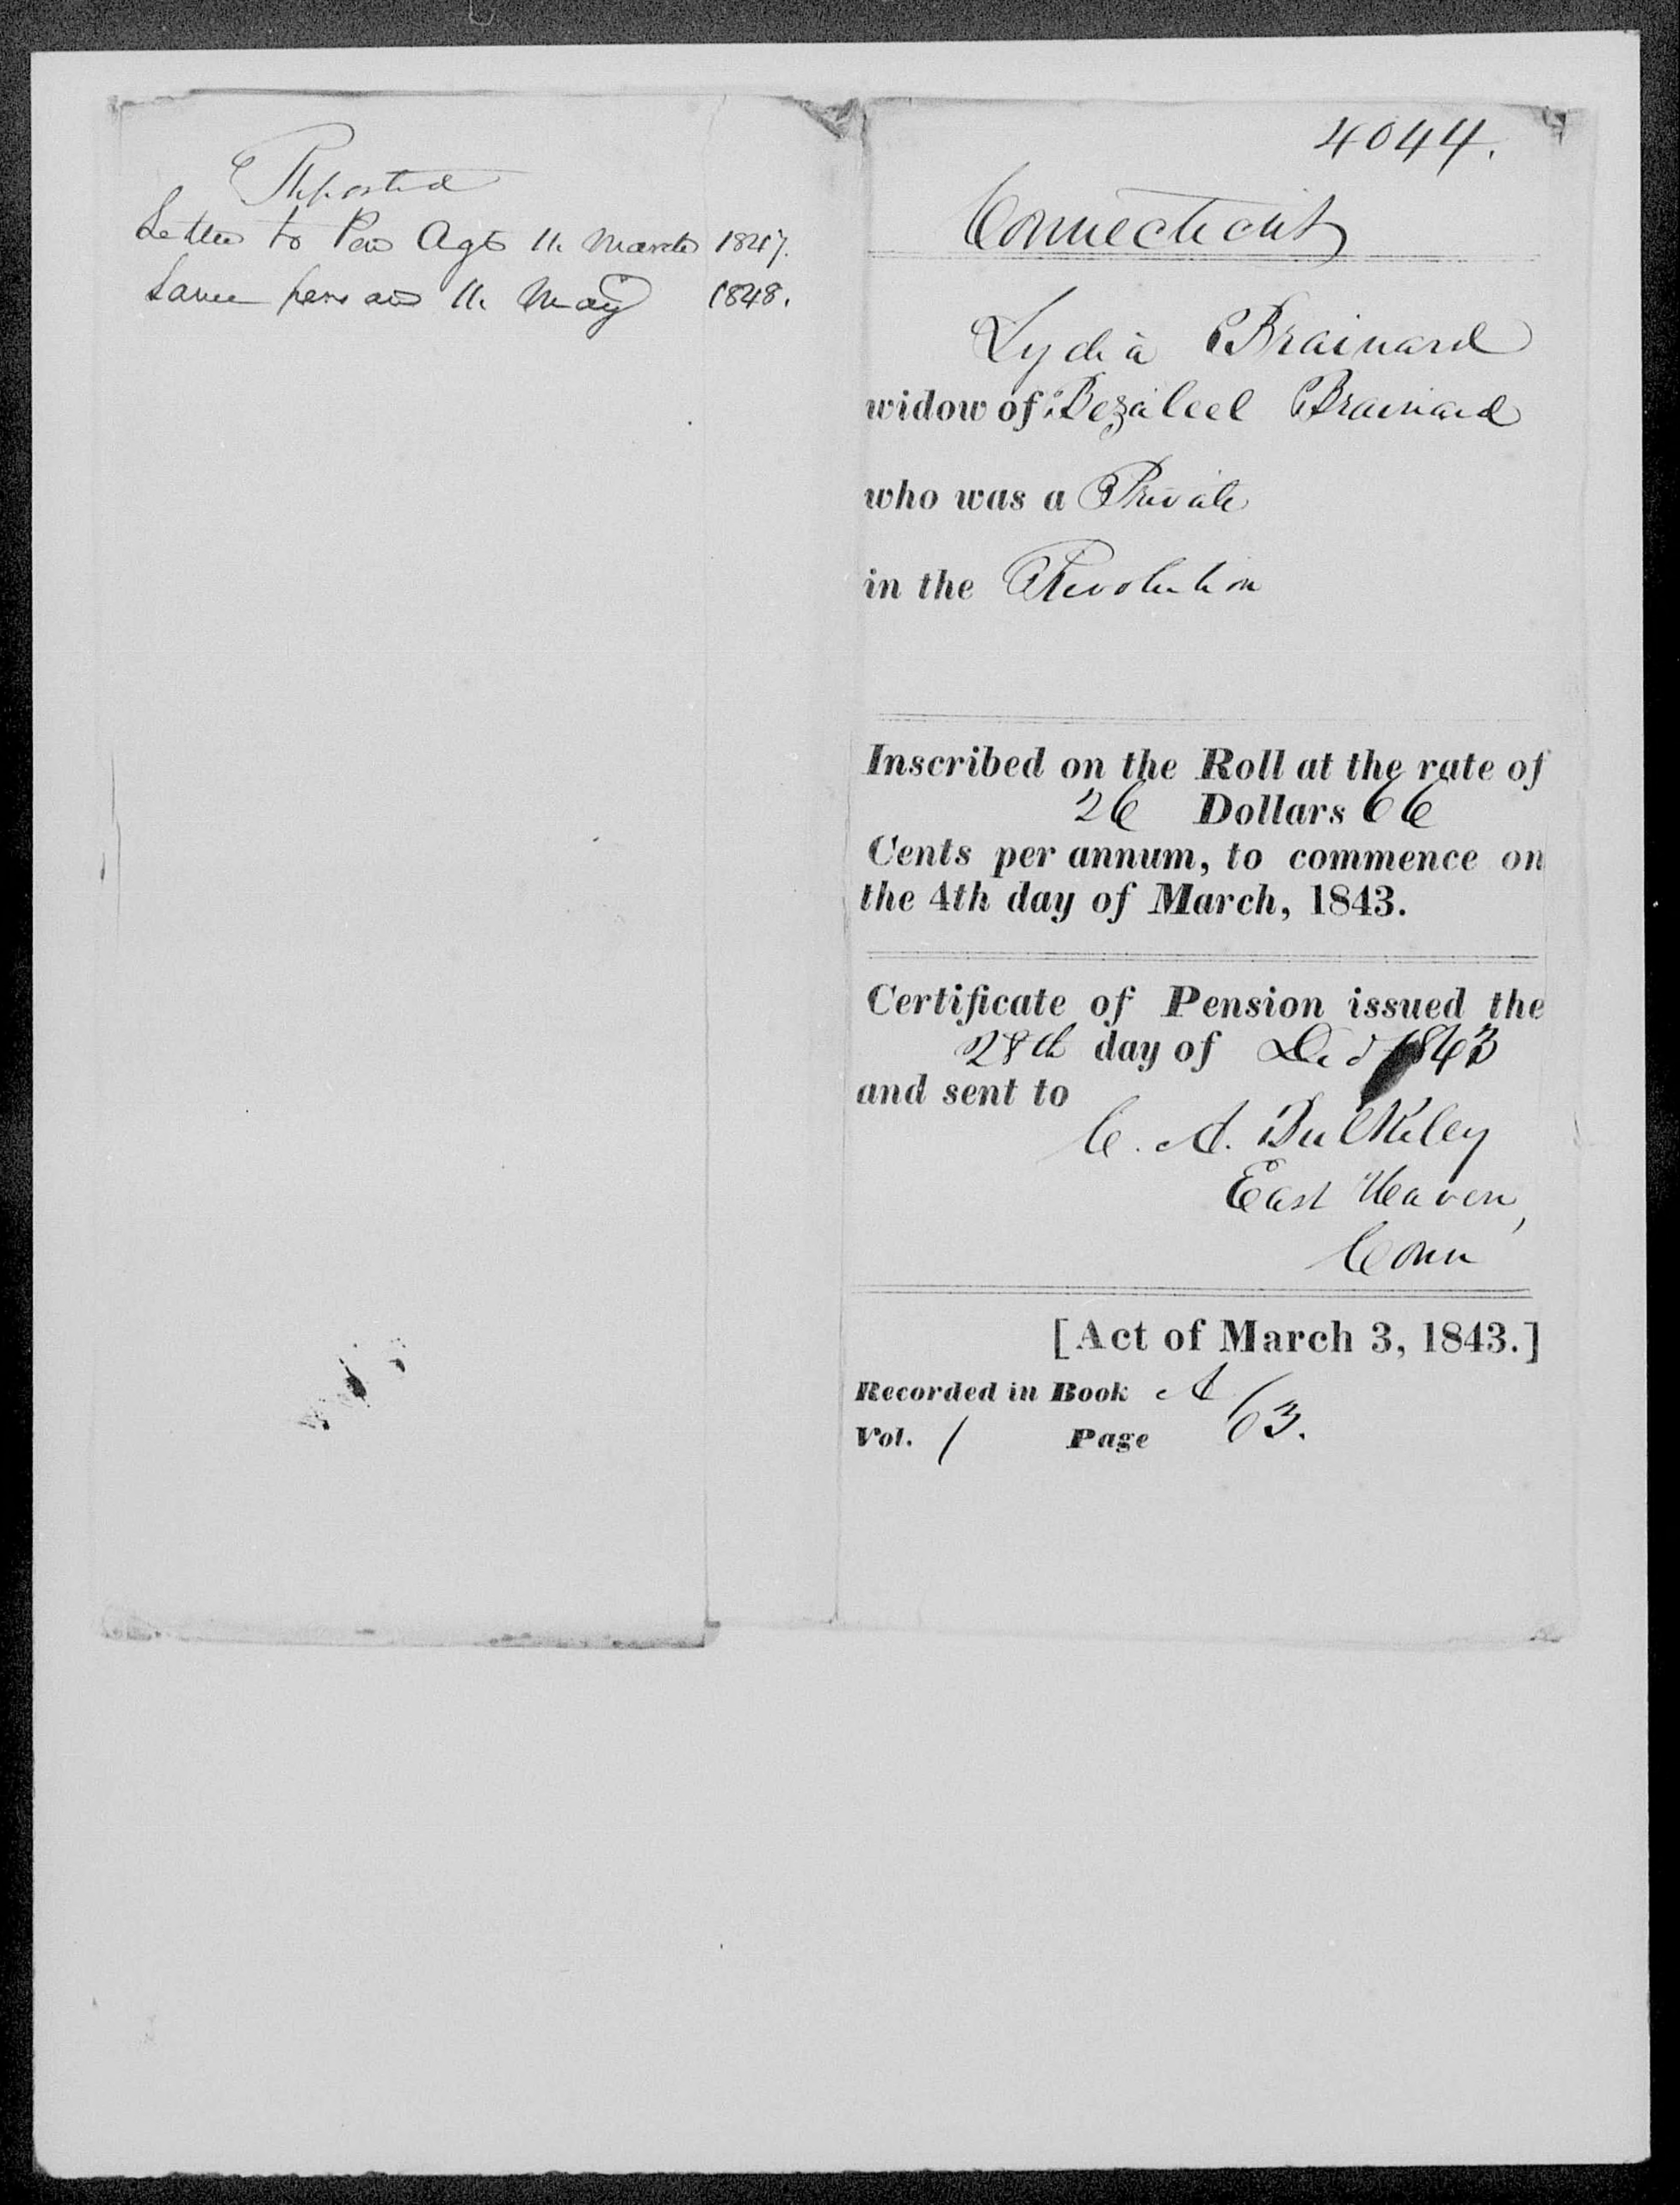[left facing page]
Reported
Letter to Pen Agt. 11 March 1847
same pens aud 1 May 1848.

[right facing page[
4044
Connecticut
Lydia Brainard
widow of Bezaleel Brainard who was a Private in the Revolution
Inscribed on the Roll at the rate of 26 Dollars 66 Cents per annum, to commence on the 4th day of March, 1843.
Certificate of Pension issued the 28th day of Dec 1843 and sent to C. A. Bulkeley East Haven, Conn
[Act of March 3, 1843.]
Recorded in Book A
Vol. 1 Page 63.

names: Lydia Brainard, Bezaleel Brainard, C A Bulkeley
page: 10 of 25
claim: widow's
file: W. 23,671, Bezaleel Brainard, Conn.